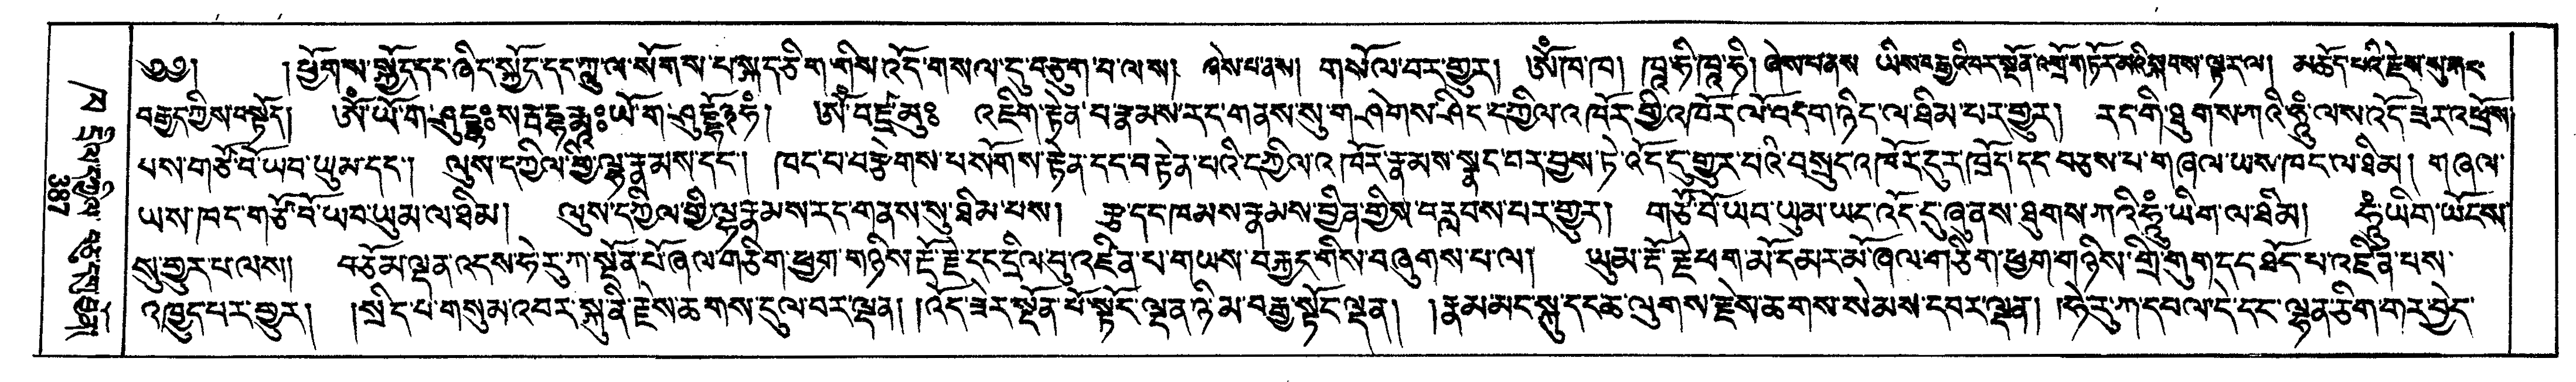༄༅། །ཕྱོགས་སྐྱོང་དང་ཞིང་སྐྱོང་དང་ཀླུ་ལ་སོགས་པ་སྐད་ཅིག་གིས་འོད་གསལ་དུ་བཅུག་པ་ལས། ཞེས་པ་ནས། གསོལ་བར་གྱུར། ཨོཾ་ཁ་ཁ། ཁཱ་ཧི་ཁཱ་ཧི། ཞེས་པ་ནས། ཡིག་བརྒྱའི་བར་སྔོན་འགྲོ་གཏོར་མའི་སྐབས་ལྟར་ལ། མཆོད་པའི་རྗེས་སུ་རྐང་
བརྒྱད་ཀྱིས་བསྟོད། ཨོཾ་ཡོ་ག་ཤུདྡྷཱཿ སརྦ་དྷརྨཱཿ ཡོ་ག་ཤུདྡྷོཉྷཾ། ཨོཾ་བཛྲ་མུཿ འཇིག་རྟེན་པ་རྣམས་རང་གནས་སུ་གཤེགས་ཤིང་དཀྱིལ་འཁོར་གྱི་འཁོར་ལོ་བདག་ཉིད་ལ་ཐིམ་པར་གྱུར། རང་གི་ཐུགས་ཀའི་ཧཱུཾ་ལས་འོད་ཟེར་འཕྲོས་
པས་གཙོ་བོ་ཡབ་ཡུམ་དང་། ལུས་དཀྱིལ་གྱི་ལྷ་རྣམས་དང་། ཁང་པ་བརྩེགས་པ་སོགས་རྟེན་དང་བརྟེན་པའི་དཀྱིལ་འཁོར་རྣམས་སྣང་བར་བྱས་ཏེ་འོད་དུ་གྱུར་པའི་བསྲུང་འཁོར་དུར་ཁྲོད་དང་བཅས་པ་གཞལ་ཡས་ཁང་ལ་ཐིམ། གཞལ་
ཡས་ཁང་གཙོ་བོ་ཡབ་ཡུམ་ལ་ཐིམ། ལུས་དཀྱིལ་གྱི་ལྷ་རྣམས་རང་གནས་སུ་ཐིམ་པས། རྩ་དང་ཁམས་རྣམས་བྱིན་གྱིས་བརླབས་པར་གྱུར། གཙོ་བོ་ཡབ་ཡུམ་ཡང་འོད་དུ་ཞུ་ནས་ཐུགས་ཀའི་ཧཱུཾ་ཡིག་ལ་ཐིམ། ཧཱུཾ་ཡིག་ཡོངས་
སུ་གྱུར་པ་ལས། བཅོམ་ལྡན་འདས་ཧེ་རུ་ཀ་སྔོན་པོ་ཞལ་གཅིག་ཕྱག་གཉིས་རྡོ་རྗེ་དང་དྲིལ་བུ་འཛིན་པ་གཡས་བརྐྱང་གིས་བཞུགས་པ་ལ། ཡུམ་རྡོ་རྗེ་ཕག་མོ་དམར་མོ་ཞལ་གཅིག་ཕྱག་གཉིས་གྲི་གུག་དང་ཐོད་པ་འཛིན་པས་
འཁྱུད་པར་གྱུར། །སྲིད་པ་གསུམ་འབར་སྐུ་ནི་རྗེས་ཆགས་དུལ་བར་ལྡན། །འོད་ཟེར་སྔོན་པོ་སྟོང་ལྡན་ཉི་མ་བརྒྱ་སྟོང་ལྡན། །རྣམ་མང་སྐུ་དང་ཆ་ལུགས་རྗེས་ཆགས་སེམས་དཔར་ལྡན། །ཧེ་རུ་ཀ་དཔལ་དེ་དང་ལྷན་ཅིག་གར་བྱེད་